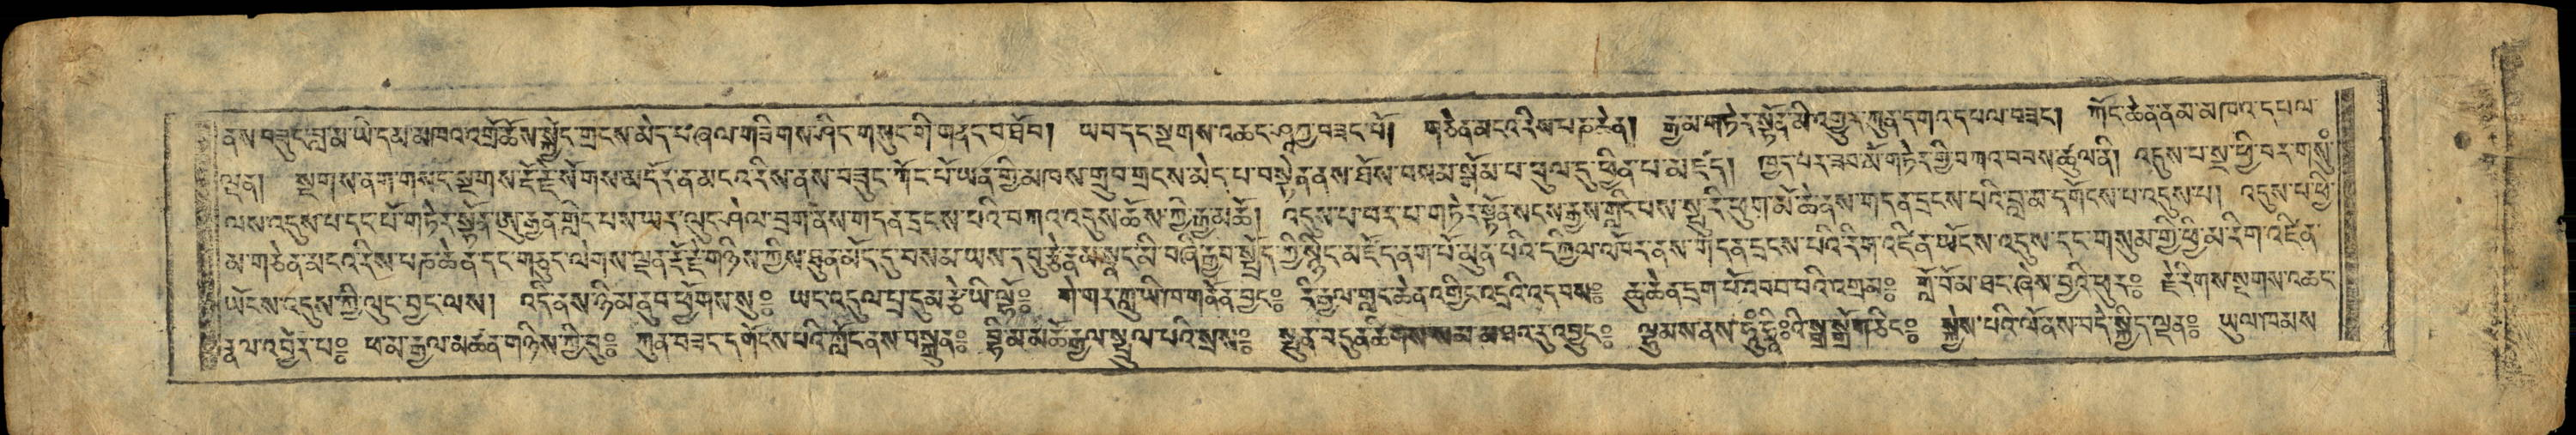ནས་བཟུང་བླ་མ་ཡི་དམ་མཁའ་འགྲོ་ཆོས་སྐྱོང་གྲངས་མེད་པ་ཞལ་གཟིགས་ཤིང་གསུང་གི་གནང་བ་ཐོབ། ཡབ་དང་སྟགས་འཆང་ཤཱཀྱ་བཟང་པོ། གཅེན་མངའ་རིས་པཎ་ཆེན། རྒྱ་མ་གཏེར་སྟོན་མི་འགྱུར་ཀུན་དགའ་དཔལ་བཟང་། ཀོང་ཆེན་ནམ་མཁའ་དཔལ་
ལྡན། སྔགས་ནག་གསང་སྔགས་རྡོ་རྗེ་སོགས་མདོར་ན་མངའ་རིས་ནས་བཟུང་ཀོང་པོ་ཡན་གྱི་མཁས་གྲུབ་གྲངས་མེད་པ་བསྟེན་ནས་ཐོས་བསམ་སྒོམ་པ་ཕུལ་དུ་ཕྱིན་པ་མཛད། ཁྱད་པར་ཟབ་མོ་གཏེར་གྱི་བཀའ་བབས་ཚུལ་ནི། འདུས་པ་སྔ་ཕྱི་བར་གསུཾ་
ལས་འདུས་པ་དང་པོ་གཏེར་སྟོན་ཨུ་རྒྱན་གླིང་པས་ཡར་ལུང་ཤེལ་བྲག་ནས་གདན་དྲངས་པའི་བཀའ་འདུས་ཆོས་ཀྱི་རྒྱ་མཚོ། འདུས་པ་བར་པ་གཏེར་སྟོན་སངས་རྒྱས་གླིང་པས་སྤུ་རི་ཕུག་མོ་ཆེ་ནས་གདན་དྲངས་པའི་བླ་མ་དགོངས་པ་འདུས་པ། འདུས་པ་ཕྱི་
མ་གཅེན་མངའ་རིས་པཎ་ཆེན་དང་གཅུག་ལེགས་ལྡན་རྡོ་རྗེ་གཉིས་ཀྱིས་ཐུན་མོང་དུ་བསམ་ཡས་དབུ་རྩེ་རྣམ་སྣང་མི་བཞི་རྒྱབ་སྤྲོད་ཀྱི་སྙིང་མཛོད་ནག་པོ་མུན་པའི་དཀྱིལ་འཁོར་ནས་གདན་དྲངས་པའི་རིག་འཛིན་ཡོངས་འདུས་དང་གསུམ་གྱི་ཕྱི་མ་རིག་འཛིན་
ཡོངས་འདུས་ཀྱི་ལུང་བྱང་ལས། འདི་ནས་ཉི་མ་ནུབ་ཕྱེགས་སུཿ་ཡང་འདུལ་པྲ་དུམ་རྩེ་ཡི་ལྷོཿ་གེ་གང་ཀླུ་ཡི་ཁ་གནོན་བྱངཿ་རི་རྒྱལ་གླང་ཆེན་འགྱིང་འདྲའི་འདབསཿ་ཆུ་ཆེན་དྲག་པོ་འབབ་པའི་འགྲམཿ་གློ་བོ་མ་ཐང་ཞེས་བྱའི་ཕུརཿ་རྗེ་རིགས་སྔགས་འཆང་
རྣལ་འབྱོར་པཿ་ཕ་མ་རྒྱལ་མཚན་གཉིས་ཀྱི་བུཿ་ཀུན་བཟང་དགོངས་པའི་ཀློང་ནས་བསྐྲུནཿ་བྷི་མ་མཚོ་རྒྱལ་སྤྲུལ་པའི་སྲསཿ་སྤུན་བདུན་ཚིགས་སམ་མཐའ་རུ་འབྱུངཿ་ལྷུམས་ནས་ཧཱུཾ་ཧྲཱིཿ་བི་སྒྲ་སྒྲོག་ཅིངཿ་སྐྱེས་པའི་ལོ་ནས་བདེ་སྐྱིད་ལྡནཿ་ཡུལ་ཁམས་